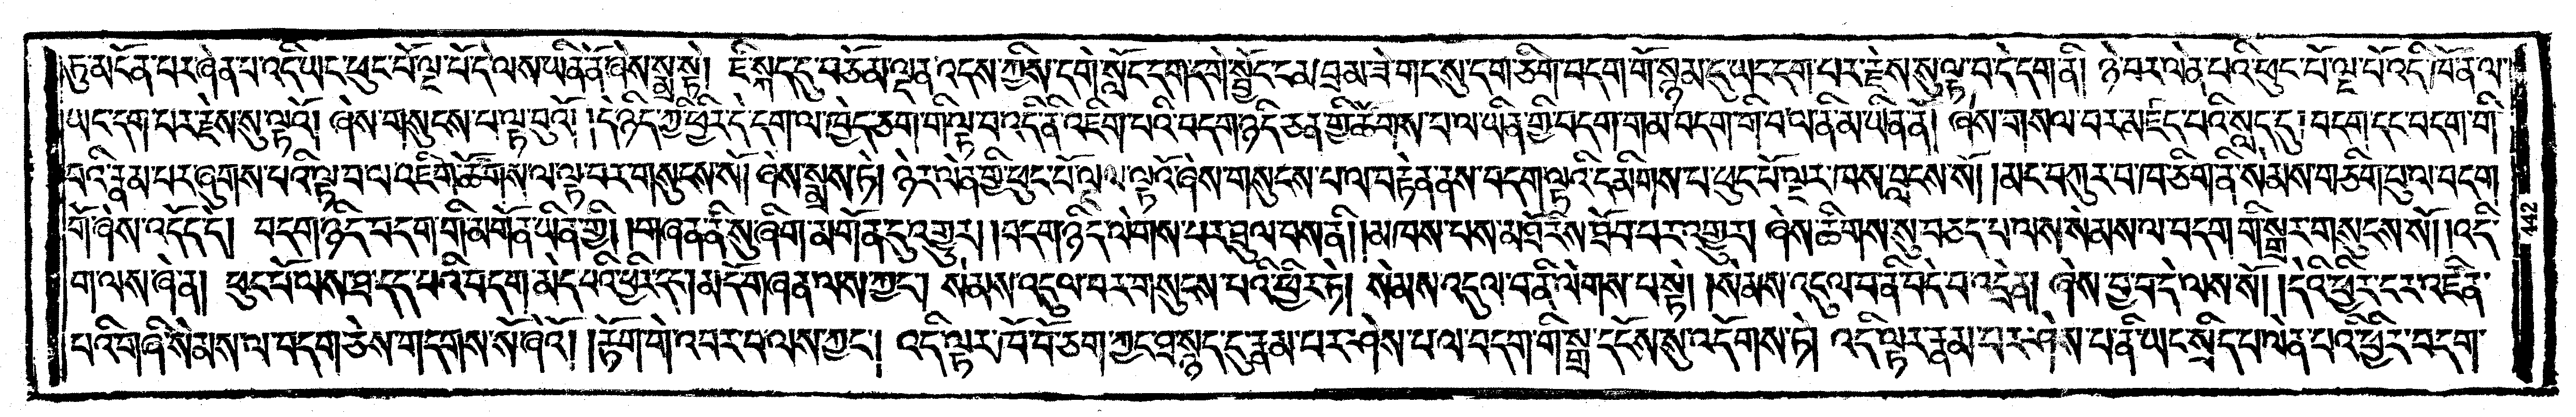ཏུ་མངོན་པར་ཞེན་པ་འདི་ཡང་ཕུང་པོ་ལྔ་པོ་དེ་ལས་ཡིན་ནོ་ཞེས་སྨྲ་སྟེ། ཇི་སྐད་དུ་བཅོམ་ལྡན་འདས་ཀྱིས་དགེ་སློང་དག་དགེ་སྦྱོང་ངམ་བྲམ་ཟེ་གང་སུ་དག་ཅིག་བདག་གོ་སྙམ་དུ་ཡང་དག་པར་རྗེས་སུ་ལྟ་བ་དེ་དག་ནི། ཉེ་བར་ལེན་པའི་ཕུང་པོ་ལྔ་པོ་འདི་ཁོ་ན་ལ་
ཡང་དག་པར་རྗེས་སུ་ལྟའོ། ཞེས་གསུངས་པ་ལྟ་བུའོ། །དེ་ཉིད་ཀྱི་ཕྱིར་དེ་དག་ལ་ཁྱེད་ཅག་གི་ལྟ་བ་འདི་ནི་འཇིག་པའི་བདག་ཉིད་ཅན་གྱི་ཚོགས་པ་ལ་ཡིན་གྱི་བདག་གམ་བདག་གི་བ་ལ་ནི་མ་ཡིན་ནོ། ཞེས་གསལ་བར་མཛད་པའི་སླད་དུ། བདག་དང་བདག་གི་
བའི་རྣམ་པར་ཞུགས་པའི་ལྟ་བ་ལ་འཇིག་ཚོགས་ལ་ལྟ་བར་གསུངས་སོ། ཞེས་སྨྲས་ཏེ། ཉེར་ལེན་གྱི་ཕུང་པོ་ལྔ་ལ་ལྟའོ་ཞེས་གསུངས་པ་ལ་བརྟེན་ནས་བདག་ལྟའི་དམིགས་པ་ཕུང་པོ་ལྔར་ཁས་བླངས་སོ། །མང་བཀུར་བ་ཁ་ཅིག་ནི་སེམས་གཅིག་པུ་ལ་བདག་
གོ་ཞེས་འདོད་དེ། བདག་ཉིད་བདག་གི་མགོན་ཡིན་གྱི། །གཞན་ནི་སུ་ཞིག་མགོན་དུ་འགྱུར། །བདག་ཉིད་ལེགས་པར་ཐུལ་བས་ནི། །མཁས་པས་མཐོ་རིས་ཐོབ་པར་འགྱུར། ཞེས་ཚིགས་སུ་བཅད་པ་ལས་སེམས་ལ་བདག་གི་སྒྲར་གསུངས་སོ། །འདི་
ག་ལས་ཤེ་ན། ཕུང་པོ་ལས་ཐ་དད་པའི་བདག་མེད་པའི་ཕྱིར་དང་། མདོ་གཞན་ལས་ཀྱང་། སེམས་འདུལ་བར་གསུངས་པའི་ཕྱིར་ཏེ། སེམས་འདུལ་བ་ནི་ལེགས་པ་སྟེ། སེམས་འདུལ་བ་ནི་བདེ་བ་འདྲེན། ཞེས་བྱ་བ་དེ་ལས་སོ། །དེའི་ཕྱིར་ངར་འཛིན་
པའི་གཞི་སེམས་ལ་བདག་ཅེས་གདགས་སོ་ཞེའོ། །རྟོག་གེ་འབར་བ་ལས་ཀྱང་། འདི་ལྟར་ཁོ་བོ་ཅག་ཀྱང་ཐ་སྙད་དུ་རྣམ་པར་ཤེས་པ་ལ་བདག་གི་སྒྲ་དངོས་སུ་འདོགས་ཏེ། འདི་ལྟར་རྣམ་པར་ཤེས་པ་ནི་ཡང་སྲིད་པ་ལེན་པའི་ཕྱིར་བདག་